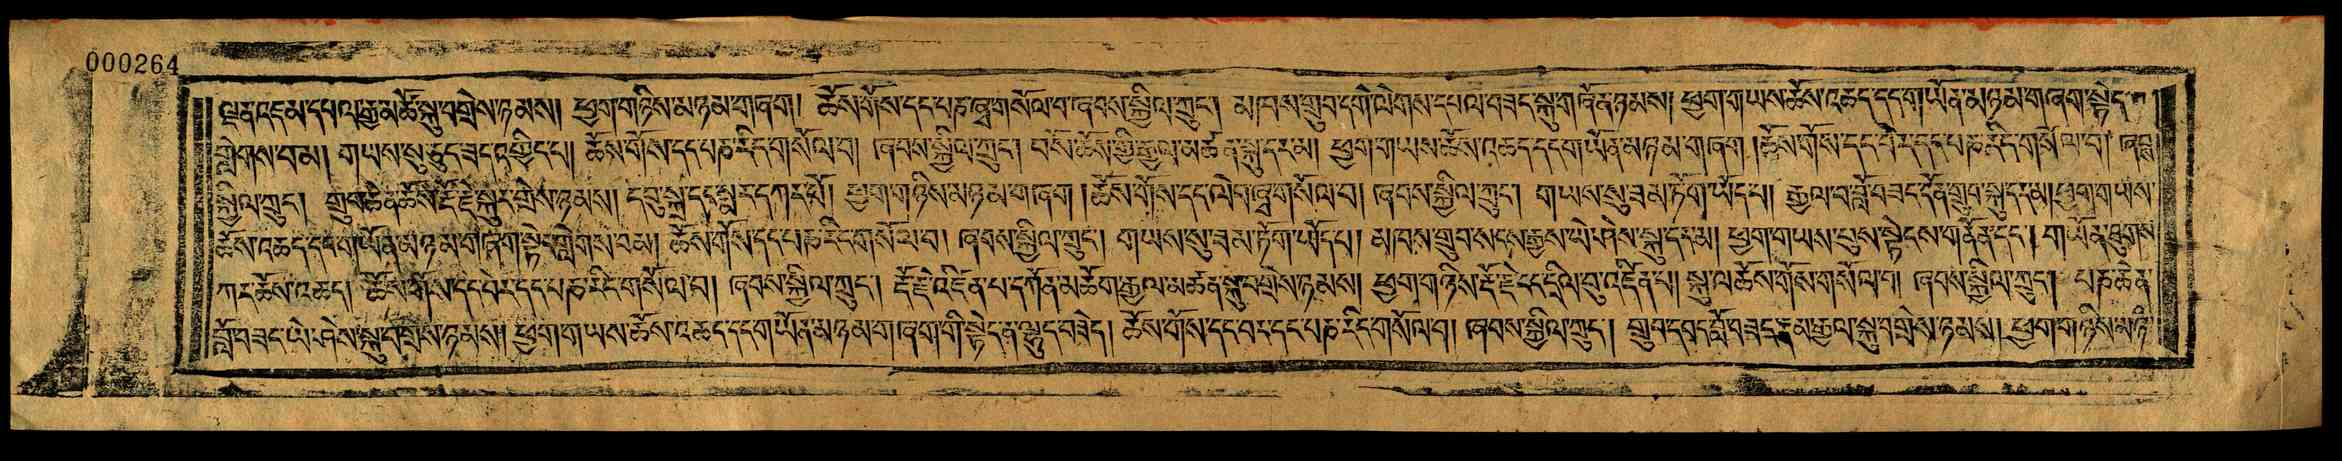ལྡན་འཇམ་དཔལ་རྒྱ་མཚོ་སྐུ་བགྲེས་ཉམས། ཕྱག་གཉིས་མཉམ་གཞག །ཆོས་གོས་དང་པཎ་ཞྭ་གསོལ་བ་ཞབས་སྐྱིལ་ཀྲུང་། མཁས་གྲུབ་དགེ་ལེགས་དཔལ་བཟང་སྐུ་གཞོན་ཉམས། ཕྱག་གཡས་ཆོས་འཆད་དང་གཡོན་མཉམ་གཞག་སྟེང་
གླེགས་བམ། གཡས་སུ་ཅུང་ཟད་འགྱིང་པ། ཆོས་གོས་དང་པཎ་རིང་གསོལ་བ། ཞབས་སྐྱིལ་ཀྲུང་། བ་སོ་ཆོས་གྱི་རྒྱལ་མཚན་སྐུ་དར་མ། ཕྱག་གཡས་ཆོས་འཆད་དང་གཡོན་མཉམ་གཞག །ཆོས་གོས་དང་བེར་དང་པཎ་རིང་གསོལ་བ། ཞབས་
སྐྱིལ་ཀྲུང་། གྲུབ་ཆེན་ཆོས་རྡོ་རྗེ་སྐུ་བགྲེས་ཉམས། དབུ་སྐྲ་དང་སྨ་ར་དཀར་པོ། ཕྱག་གཉིས་མཉམ་གཞག །ཆོས་གོས་དང་ལེབ་ཞྭ་གསོལ་བ། ཞབས་སྐྱིལ་ཀྲུང་། གཡས་སུ་ནམ་ཏོག་ཡོད་པ། རྒྱལ་བ་བློ་བཟང་དོན་གྲུབ་སྐུ་དར་མ། ཕྱག་གཡས་
ཆོས་འཆད་དང་གཡོན་མཉམ་གཞག་སྟེང་གླེགས་བམ། ཆོས་གོས་དང་བཎ་རིང་གསོལ་བ། ཞབས་སྐྱིལ་ཀྲུང་། གཡས་སུ་ཟ་མ་ཏོག་ཡོད་བ། མཁས་གྲུབ་སངས་རྒྱས་ཡེ་ཤེས་སྐུ་དར་མ། ཕྱག་གཡས་པུས་སྟེངས་གནོན་དང་། གཡོན་ཐུགས་
ཀར་ཆོས་འཆད། ཆོས་གོས་དང་བེར་དང་པཎ་རིང་གསོལ་བ། ཞབས་སྐྱིལ་ཀྲུང་། རྡོ་རྗེ་འཛིན་པ་དཀོན་མཆོག་རྒྱལ་མཚན་སྐུ་བགྲེས་ཉམས། ཕྱག་གཉིས་རྡོ་རྗེ་དང་དྲིལ་དུ་འཛིན་པ། སྐུ་ལ་ཆོས་གོས་གསོལ་བ། ཞབས་སྐྱིལ་ཀྲུང་། པཎ་ཆེན་
བློ་བཟང་ཡེ་ཤེས་སྐུ་བགྲེས་ཉམས། ཕྱག་གཡས་ཆོས་འཆད་དང་གཡོན་མཉམ་གཞག་གི་སྟེང་ན་ལྷུང་བཟེད། ཆོས་གོས་དང་བེར་དང་པཎ་རིང་གསོལ་བ། ཞབས་སྐྱིལ་ཀྲུང་། གྲུབ་དབང་བློ་བཟང་རྣམ་རྒྱལ་སྐུ་བགྲེས་ཉམས། ཕྱག་གཉིས་མཉཾ་